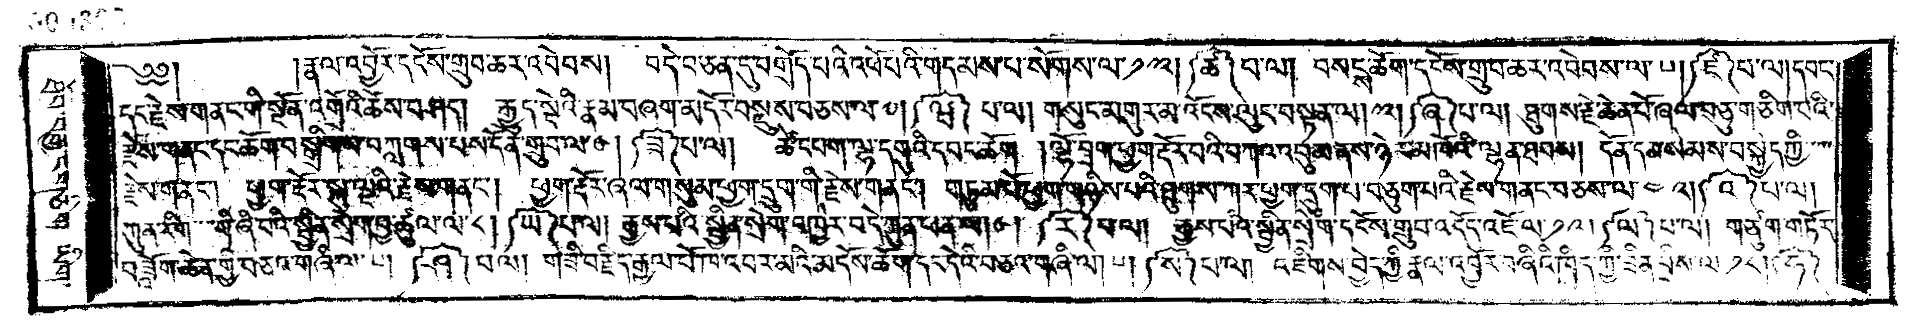༄༅། །རྣལ་འབྱོར་དངོས་གྲུབ་ཆར་འབེབས། བདེ་བ་ཅན་དུ་བགྲོད་པའི་འཕོ་བའི་གདམས་པ་སོགས་ལ ༡༣། ༼ཚ༽ པ་ལ། བསངས་ཆོག་དངོས་གྲུབ་ཆར་འབེབས་ལ ༥། ༼ཛ༽ པ་ལ། དབང་
དང་རྗེས་གནང་གི་སྔོན་འགྲོའི་ཚེས་བཤད། རྒྱུད་སྡེའི་རྣམ་བཞག་མདོར་བསྡུས་བཅས་ལ ༧། ༼ཝ༽ པ་ལ། གསུང་མགུར་མ་འོངས་ལུང་བསྟན་ལ། ༣། ༼ཞ༽ པ་ལ། ཐུགས་རྗེ་ཆེན་པོ་ཞལ་བཅུ་གཅིག་པའི་
རྗེས་གནང་དང་ཆོག་བསྒྲིགས་བཀླགས་པས་དོན་གྲུབ་ལ ༦། ༼ཟ༽ པ་ལ། ཚེ་དཔག་ལྷ་དགུའི་དབང་ཆོག །ལྷོ་བྲག་ཕྱག་རྡོར་བའི་བཀའ་འབུམ་ནས་ཉེར་མཁོའི་ལྷན་ཐབས། དོན་དམ་སེམས་བསྐྱེད་ཀྱི་
རྗེས་གནང་། ཕྱག་རྡོར་སྐུ་ལྔའི་རྗེས་གནང་། ཕྱག་རྡོར་ཞལ་གསུམ་ཕྱག་དྲུག་གི་རྗེས་གནང་། གཏུམ་པོ་ཕྱག་གཉིས་པའི་ཐུགས་ཀར་ཕྱག་དྲུག་པ་བཅུག་པའི་རྗེས་གནང་བཅས་ལ ༤༢། ༼འ༽ པ་ལ།
ཀུན་རིག་གི་ཞི་བའི་སྦྱིན་སྲེག་བྱ་ཚུལ་ལ ༨། ༼ཡ༽ པ་ལ། རྒྱས་པའི་སྦྱིན་སྲེག་འཁྱེར་བདེ་ཀུན་ཕན་ལ། ༦། ༼ར༽ པ་ལ། རྒྱས་པའི་སྦྱིན་སྲེག་དངོས་གྲུབ་འདོད་འཇོ་ལ ༡༢། ༼ལ༽ པ་ལ། གཙུག་གཏོར་
བཟློག་ཆེན་གྱི་བཅའ་གཞི་ལ ༥། ༼ཤ༽ པ་ལ། གཟི་བརྗིད་རྒྱལ་པོ་ཁ་འབར་མའི་མདོས་ཆོག་དང་དེའི་བཅའ་གཞི་ལ། ༥། ༼ས༽ པ་ལ། འཇིགས་བྱེད་ཀྱི་རྣལ་འབྱོར་བཞིའི་ཁྲིད་ཀྱི་ཟིན་བྲིས་ལ ༡༨། ༼ཧ༽